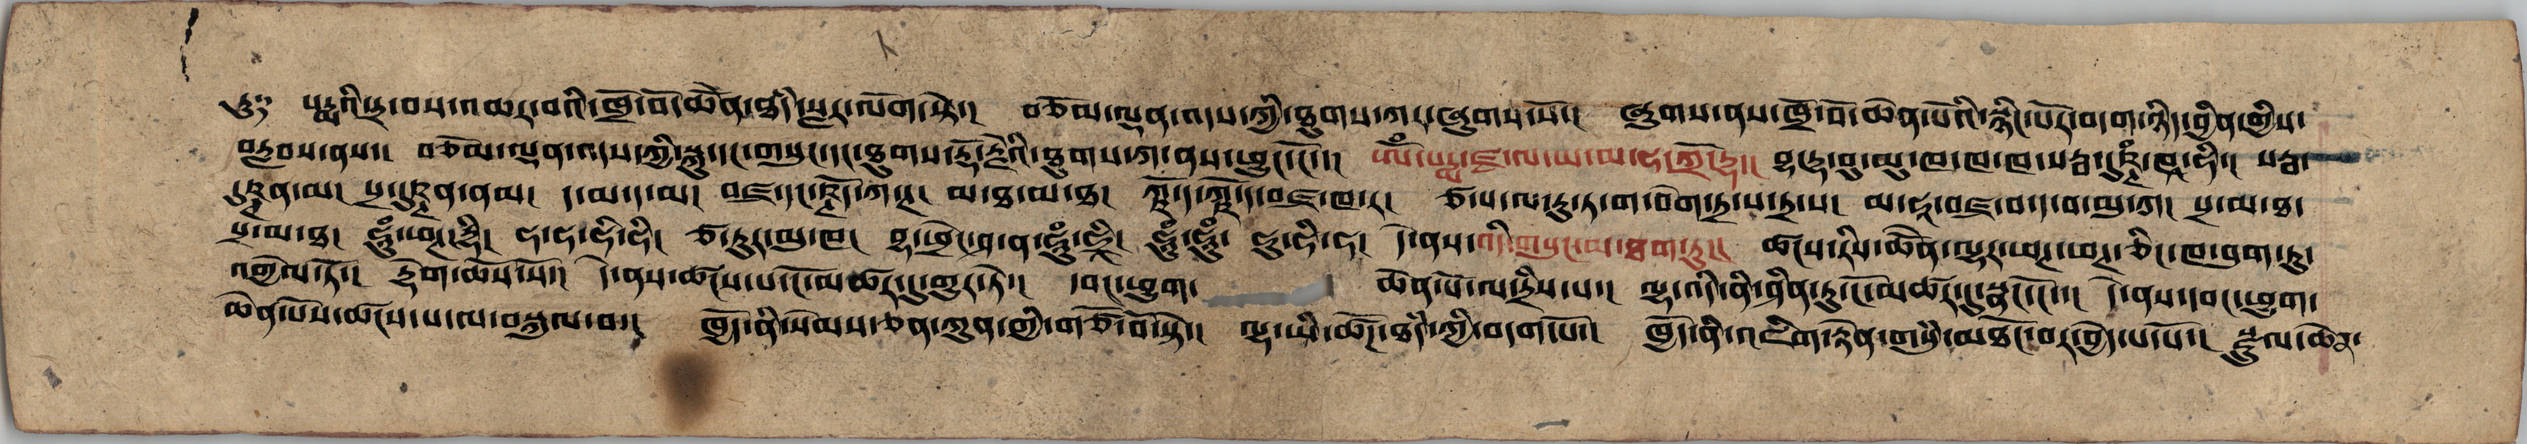ཏུ༑ པདྨའི་དྲ་བས་འཆར་བའི་ཁྲོ་བོ་ཆེནོ་ཐདཾ་སླར་ལོག་སྟེ་། བཅོམ་ལྡན་འདས་ཀྱི་ཐུགས་ཀར་ཞུགས་སོ་། ཞུགས་ནས་ཁྲོ་བོ་ཆེན་པོའི་སྙིང་པོར་བདག་ཉིད་བྱིན་གྱིས་
བརླབས་ནས་། བཅོམ་ལྡན་འདས་ཀྱི་སྐུ་དང་གསུང་དང་ཐུགས་རྡོ་རྗེའི་ཐུགས་ཀ་ནས་ཕྱུང་ངོ་་། ཨོཾ་པདྨ་ཛྭ་ལ་ཡ་མ་ཧ་ཀྲོ་དྷ་། བྷ་དྷ་བུ་མུ་ཁ་ཁ་ཁ་སརྦ་དུཥྚཾ་ཁཱ་ཧི་། སརྦ་
དུཥྚན་མ། པྲ་དུཥྚན་ནམ། ད་མ་ད་མ། བཛྲ་དང་ཥྚོད་ཀ་ཊ། མ་ཐ་མ་ཐ། ཀྵོ་ད་ཀྵོ་ད་བཛྲ་ཁ་ར། ཙ་པ་ལ་རུ་ཏ་ག་བེག་ཏྲ་ས་ཏྲ་ས། མ་ཧཱ་བཛྲ་བ་ད་བ་མུ་ཀ། པྲ་མ་ཐ་
པྲ་མ་ཐ། ཧཱུཾ་ཕཊ་དྷི། ཧ་ཧ་ཧི་ཧི། ཙ་ཏུར་མུ་ཁ། བྷ་ཕྲེང་ཤ་ན་ཧཱུཾ་ཧྲཱི། ཧཱུཾ་ཧཱུཾ་ ཧུ་ཧི་ཧ། དེ་ནས་འདི་གསུངས་མ་ཐག་ཏུ།། ཚངས་རིས་ཆེོན་ལྷར་ཕཊ་ཕཊ་ཅིང་ཁ་བུག་ཏུ་
འགྱེལ་ཏོ་། རྡེག་ཆོས་སོ་། དེ་ནས་ཚངས་པ་ངོ་མཚར་དུ་གྱུར་ཏེ་། དབང་ཕྱུག་ ཆེན་པོ་ལ་དྲིས་པ། ལྷ་འདི་ནི་ཤིན་ཏུ་ངོ་མཚར་དུ་སྣང་ངོ་་། དེ་ནས་དབང་ཕྱུག་
ཆེན་པོས་ཚངས་པ་ལ་བསྐུལ་བ་། ཁྱོད་ནི་སེམས་ཅན་ཀུན་གྱི་གཙོ་བོ་སྟེ་། ལྷ་ཡི་ཚོཌ་ཐདཾ་ཀྱི་བདག་པོ་། ཁྱོད་ནི་འཇིག་རྟེན་གསུཾ་མཐོང་བར་བྱེད་པ་པོ་། སྫྲུལ་ཆེན་